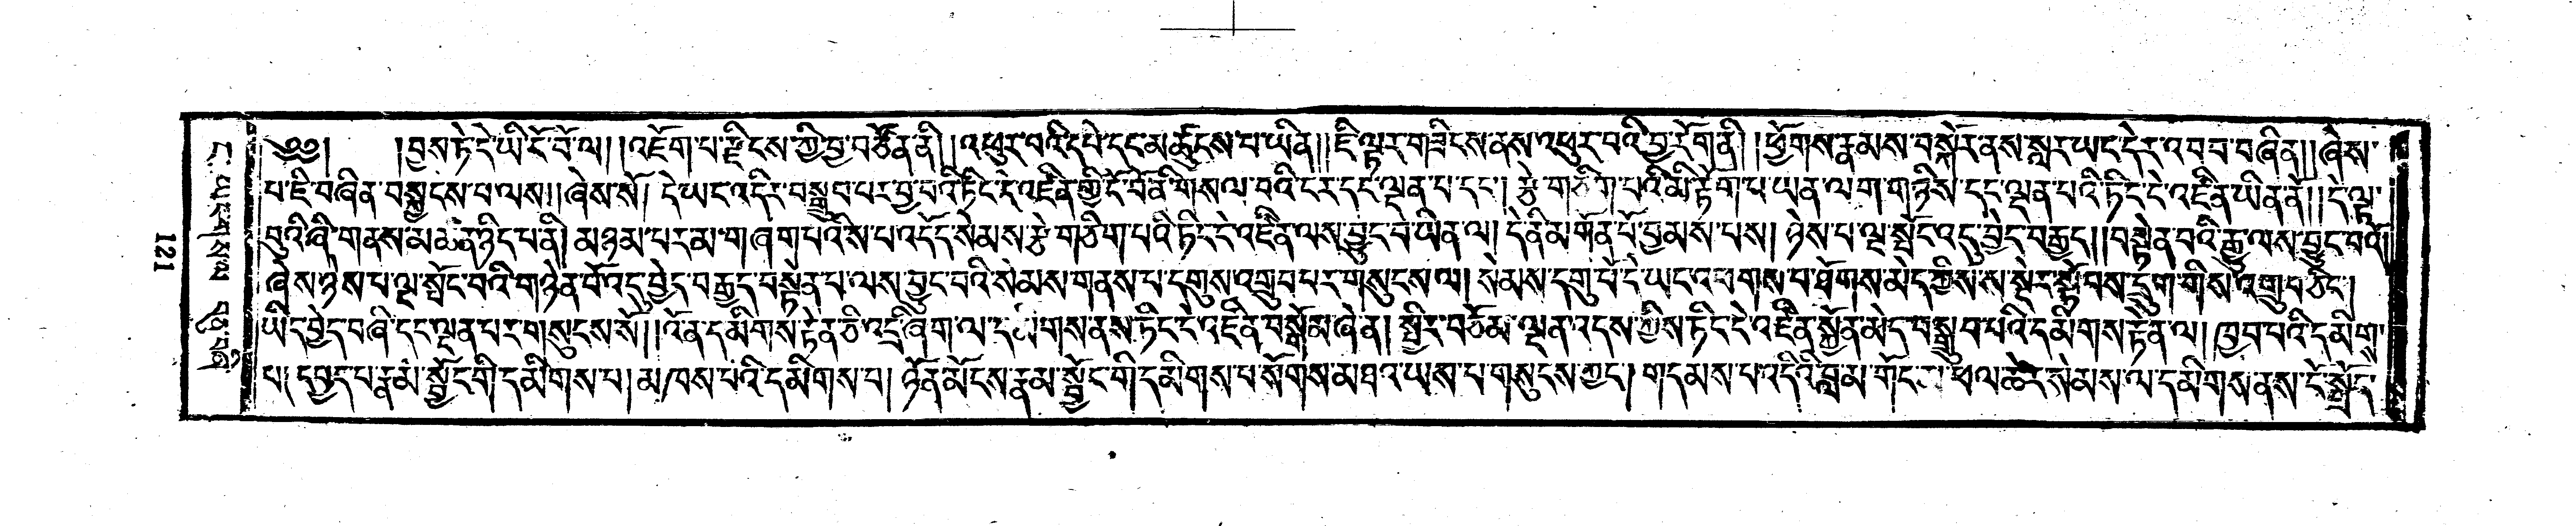༄༅། །བྱས་ཏེ་དེ་ཡི་ངོ་བོ་ལ། །འཇོག་པ་རྫིངས་ཀྱི་བྱ་བཙོན་ནི། །འཕུར་བའི་དཔེ་དང་མཚུངས་པ་ཡིན། །ཇི་ལྟར་གཟིངས་ནས་འཕུར་བའི་བྱ་རོག་ནི། །ཕྱོགས་རྣམས་བསྐོར་ནས་སླང་ཡང་དེར་འབབ་བཞིན། །ཞེས་
པ་ཇི་བཞིན་བསྐྱངས་པ་ལས། །ཞེས་སོ། དེ་ཡང་འདིར་བསྒྲུབ་པར་བྱ་བའི་ཏིང་ངེ་འཛིན་གྱི་ངོ་བོ་ནི་གསལ་བའི་དར་དང་ལྡན་པ་དང་། རྩེ་གཅིག་པའི་མི་རྟོག་པ་ཡན་ལག་གཉིས་དང་ལྡན་པའི་ཏིང་ངེ་འཛིན་ཡིན་ནོ། །དེ་ལྟ་
བུའི་ཞི་གནས་མཚན་ཉིད་པ་ནི། མཉམ་པར་མ་གཞག་པའི་ས་པ་འདོད་སེམས་རྩེ་གཅིག་པའི་ཏིང་ངེ་འཛིན་ལས་བྱུང་བ་ཡིན་ལ། དེ་ནི་མགོན་པོ་བྱམས་པས། ཉེས་པ་ལྔ་སྤོང་འདུ་བྱེད་བརྒྱད། །བསྟེན་པའི་རྒྱུ་ལས་བྱུང་བའོ།
ཞེས་ཉེས་པ་ལྔ་སྤོང་བའི་གཉེན་པོ་འདུ་བྱེད་བརྒྱད་བསྙེན་པ་ལས་བྱུང་བའི་སེམས་གནས་པ་དགུས་འགྲུབ་པར་གསུངས་ལ། སེམས་དགུ་པོ་དེ་ཡང་འཕགས་པ་ཐོགས་མེད་ཀྱིས་ས་སྡེར་སྟོབས་དྲུག་གིས་འགྲུབ་ཅིང་།
ཡིད་བྱེད་བཞི་དང་ལྡན་པར་གསུངས་སོ། །འོ་ན་དམིགས་རྟེན་ཅི་འདྲ་ཞིག་ལ་དམིགས་ནས་ཏིང་ངེ་འཛིན་བསྒོམ་ཞེ་ན། སྤྱིར་བཅོམ་ལྡན་འདས་ཀྱིས་ཏིང་ངེ་འཛིན་སྐྱོན་མེད་བསྒྲུབ་པའི་དམིགས་རྟེན་ལ། ཁྱབ་པའི་དམིགས་
པ། དཔྱད་པ་རྣམ་སྐྱོང་གི་དམིགས་པ། མཁས་པའི་དམིགས་པ། ཉོན་མོངས་རྣམ་སྦྱོང་གི་དམིགས་པ་སོགས་མཐའ་ཡས་པ་གསུངས་ཀྱང་། གདམས་པ་འདིའི་བླ་མ་གོང་མ་ཕལ་ཆེར་སེམས་ལ་དམིགས་ནས་ངོ་སྤྲོད་